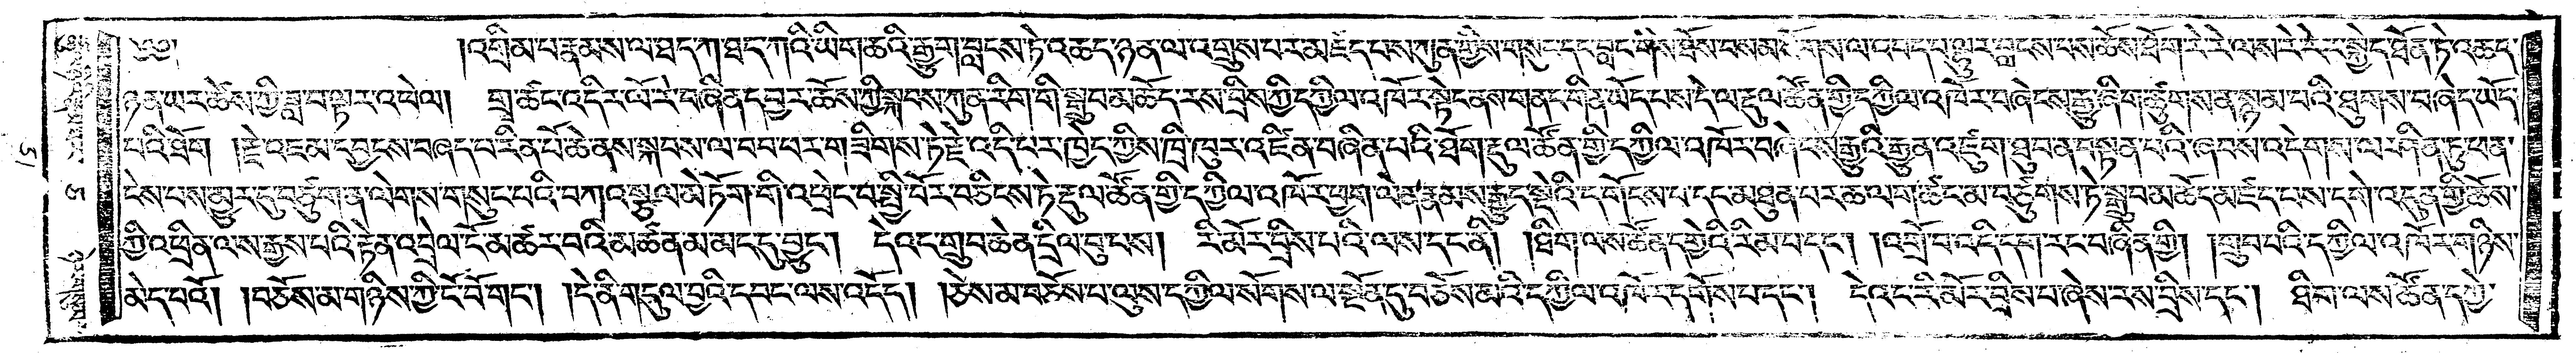༄༅། །འགྲིམ་པ་རྣམས་ལ་ཐད་ཀ་ཐད་ཀའི་ཡིག་ཆའི་རྒྱུག་བླངས་ཏེ་འཆད་ཉན་ལ་འགྲུས་པར་མཛད་པས་ཀུན་གྱིས་གསུང་དང་བླང་གིས་ཐོས་བསམ་སོགས་ལ་འབད་པ་ལྷུར་བླངས་པས་ཆོས་ཐོག་རེ་རེ་ལས་རེ་རེར་སྐྱེད་ཐོན་ཏེ་འཆད་
ཉན་ཡར་ཚེས་ཀྱི་ཟླ་བ་ལྟར་འཕེལ། གྲྭ་ཚང་འདིར་ལོ་རེ་བཞིན་དབྱར་ཆོས་ཀྱི་སྐབས་ཀུན་རིག་གི་སྒྲུབ་མཆོད་རས་བྲིས་ཀྱི་དཀྱིལ་འཁོར་སྟེང་ནས་གནང་གིན་ཡོད་པས་དེ་ལ་རྡུལ་ཚོན་གྱི་དཀྱིལ་འཁོར་བཞེངས་རྒྱུ་ཞིག་ཚུགས་ན་སྙམ་པའི་ཐུགས་བཞེད་ཡོད་
པའི་ཐོག །རྗེ་འཇམ་དབྱངས་བཞད་བ་རིན་པོ་ཆེ་ནས་སྐབས་ལ་བབ་པར་གཟིགས་ཏེ་རྗེ་འདི་པར་ཁྱེད་ཀྱིས་ཁྲི་ཁུར་འཛིན་བཞིན་པའི་ཐོག་རྡུལ་ཚོན་གྱི་དཀྱིལ་འཁོར་བཞེངས་རྒྱུའི་རྒྱུན་འཛུག་ཐུབ་ན་བསྟན་པའི་ཞབས་འདེགས་ལ་ཤིན་ཏུ་ཕན་
ངེས་པས་མྱུར་དུ་བཙུག་ན་ལེགས་གསུང་པའི་བཀའ་སྩལ་མེ་ཏོག་གི་འཕྲེང་བ་སྤྱི་བོར་བཅིངས་ཏེ་རྡུལ་ཚོན་གྱི་དཀྱིལ་འཁོར་ཕྱག་ལེན་རྣམས་རྒྱུད་སྡེའི་དགོངས་བ་དང་མཐུན་པར་ཆ་ལག་ཚང་མ་བཙུགས་ཏེ་སྒྲུབ་མཆོད་མཛད་པས་དགེ་འདུན་གྱི་ཆོས་
ཀྱི་འཕྲིན་ལས་རྒྱས་པའི་རྟེན་འབྲེལ་ངོ་མཚར་བའི་མཚན་མ་མང་དུ་བྱུང་། དེའང་གྲུབ་ཆེན་དྲིལ་བུ་པས། རི་མོར་བྲིས་པའི་ལས་དང་ནི། །ཐིག་ལས་ཚོན་དགྱེའི་རིམ་པ་དང་། །འགྲོ་བ་འདི་དག་རང་བཞིན་གྱི། །གྲུབ་པའི་དཀྱིལ་འཁོར་གཉིས་
མེད་པའོ། །བཅོས་མ་གཉིས་ཀྱི་ངོ་བོ་གང་། །དེ་ནི་གདུལ་བྱའི་དབང་ལས་འདོད། །ཅེས་མ་བཅོས་པ་ལུས་དཀྱིལ་སོ་???་བཅོས་མའི་དཀྱིལ་འཁོར་དགོས་པ་དང་། དེའང་རི་མོར་བྲིས་བ་ཞེས་རས་བྲིས་དང་། ཐིག་ལས་ཚོན་དཀྱེ་